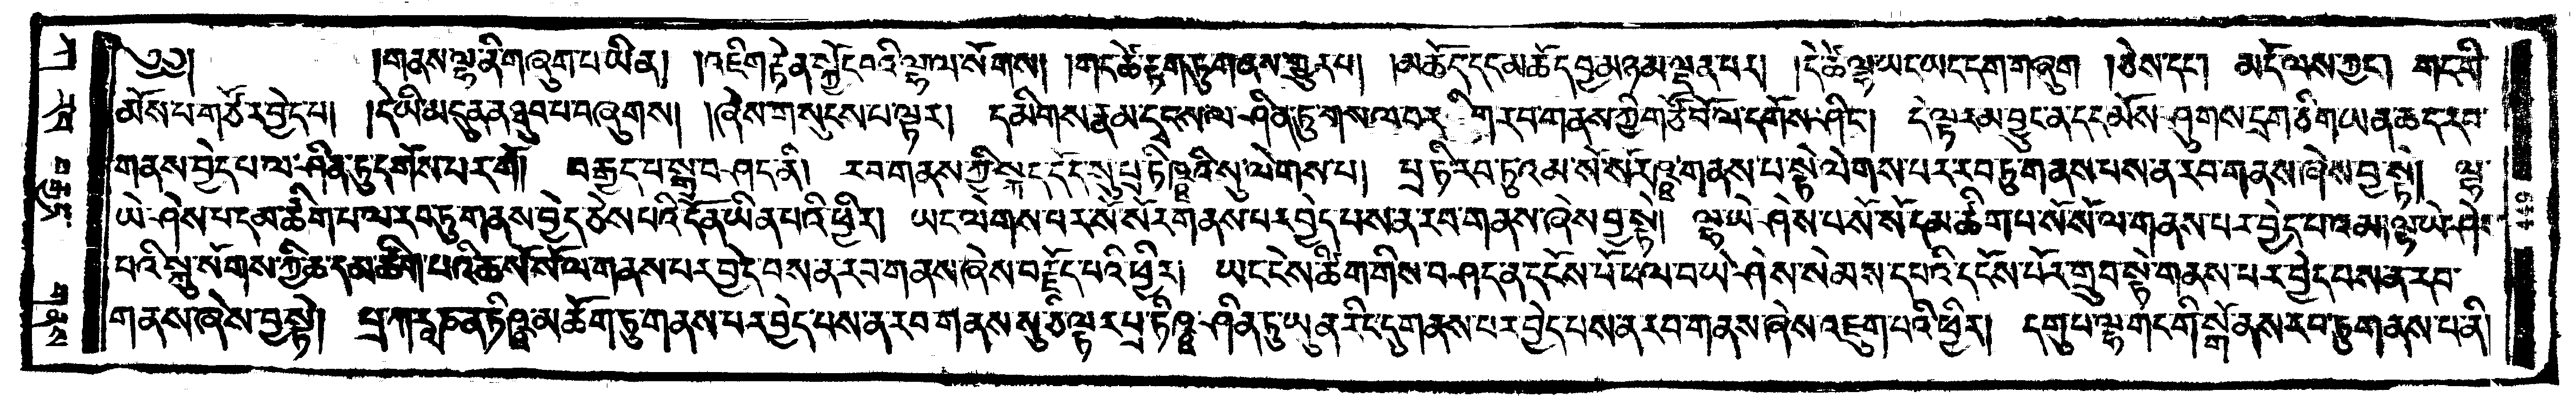༄༅། །གནས་ལྷ་ནི་གཞུག་པ་ཡིན། །འཇིག་རྟེན་སྐྱོང་བའི་ལྷ་ལ་སོགས། །གང་ཚེ་རྟག་ཏུ་གནས་གྱུར་པ། །མཆོད་དང་མཆོད་བྱ་མཉམ་ལྡན་པར། །དེ་ཚེ་ལྷ་ཡང་ཡང་དག་གཞུག །ཅེས་དང་། མདོ་ལས་ཀྱང་། གང་གི་
མོས་པ་གཙོར་བྱེད་པ། །དེ་ཡི་མདུན་ན་ཐུབ་བ་བཞུགས། །ཞེས་གསུངས་པ་ལྟར། དམིགས་རྣམ་དྭངས་ལ་ཤིན་ཏུ་གསལ་བར་?་གི་རབ་གནས་ཀྱི་གཙོ་བོ་ལ་དགོས་ཤིང་། དེ་ལྟ་རམ་བྱུང་ན་དད་མོས་ཤུགས་དྲག་ཅིག་ཡན་ཆད་རབ་
གནས་བྱེད་པ་ལ་ཤིན་ཏུ་དགོས་པར་གོ། བརྒྱད་པ་སྒྱུ?་བཤད་ནི། རབ་གནས་ཀྱི་སྐད་དོད་སུ་པྲ་ཏི་ཁྲྠའི་སུ་ལེགས་པ། པྲ་ཏི་རབ་ཏུའམ་སོ་སོར་ཥྚྷ་གནས་པ་སྟེ་ལེགས་པར་རབ་ཏུ་གནས་པས་ན་རབ་གནས་ཞེས་བྱ་སྟེ། ལྷ་
ཡེ་ཤེས་པ་དམ་ཚིག་པ་ལ་རབ་ཏུ་གནས་བྱེད་ཅེས་པའི་དོན་ཡིན་པའི་ཕྱིར། ཡང་ལེགས་པར་སོ་སོར་གནས་པར་བྱེད་པས་ན་རབ་གནས་ཞེས་བྱ་སྟེ། ལྷ་ཡེ་ཤེས་པ་སོ་སོ་དམ་ཚིག་པ་སོ་སོ་ལ་གནས་པ་བྱེད་པའམ། ལྟ་ཡེ་ཤེས?
པའི་སྐུ་སོགས་ཀྱི་ཆ་དམ་ཚིག་པའི་ཆ་སོ་སོ་ལ་གནས་པར་བྱེད་བས་ན་རབ་གནས་ཞེས་བརྗོད་པའི་ཕྱིར། ཡང་ངེས་ཚིག་གིས་བཤད་ན་དངོས་པོ་ཕལ་བ་ཡེ་ཤེས་སེམས་དཔའི་དངོས་པོར་གྲུབ་སྟེ་གནས་པར་བྱེད་བསན་རབ་
གནས་ཞེས་བྱ་སྟེ། བྲ་ཀ་རཱ་ཎ་ན་ཏི་ཥཊཿཨ་མཆོག་ཏུ་གནས་པར་བྱེད་པས་ན་རབ་གནས་སུ་ཅ་ལྟར་པྲ་ཏིཥཊཿཨ་ཤིན་ཏུ་ཡུན་རིང་དུ་གནས་པར་བྱེད་པས་ན་རབ་གནས་ཞེས་འཇུག་པའི་ཕྱིར། དགུ་པ་ལྷ་གང་གི་སྒོ་ནས་རབ་ཏུ་གནས་པ་ནི།